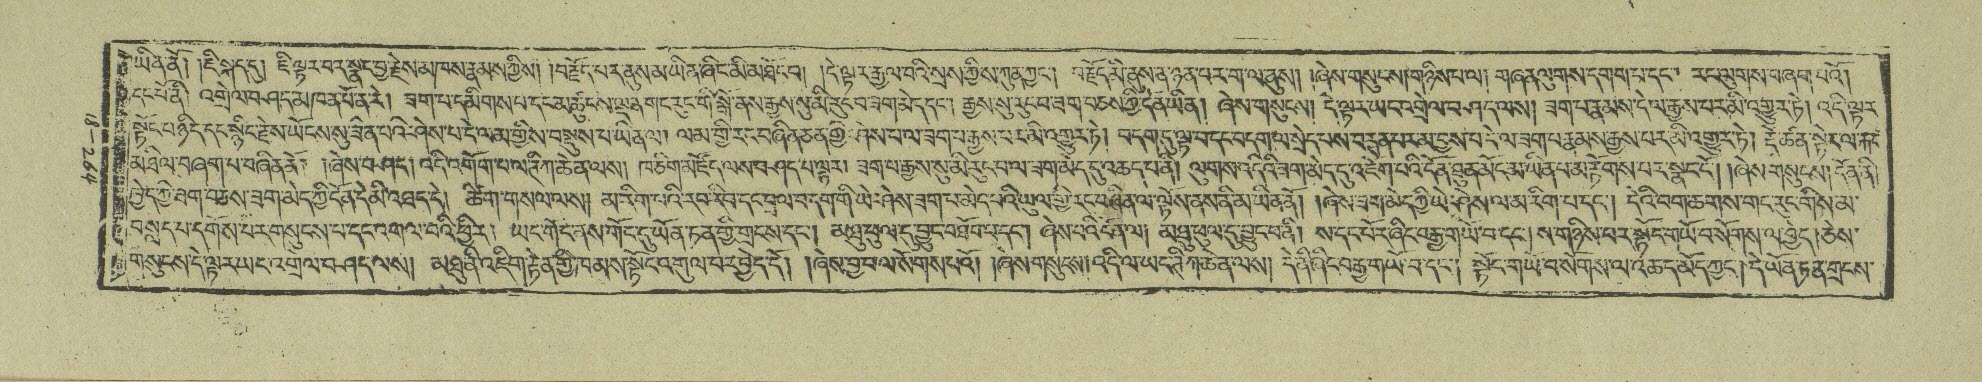ཡིན་ནོ། །ཇི་སྐད་དུ། ཇི་ལྟར་པར་སྣང་བྱ་རྗེས་མཁས་རྣམས་ཀྱིས། །བརྗོད་པར་ནུས་མ་ཡིན་ཞིང་མི་མཐོང་བ། །དེ་ལྟར་རྒྱལ་བའི་སྲས་ཀྱིས་ཀུན་ཀྱང་། བརྗོད་མི་ནུས་ན་ཉན་པར་ག་ལ་ནུས། །ཞེས་གསུངས། གཉིས་པ་ལ། གཞན་ལུགས་དགག་པ་དང་། རང་ལུགས་བཞག་པའོ། །
དང་པོ་ནི། འགྲེལ་བཤད་མཁན་པོ་ན་རེ། ཟག་པ་དམིགས་པ་དང་མཚུངས་ལྡན་གང་རུང་གི་སྒོ་ནས་རྒྱས་སུ་མི་རུང་བ་ཟག་མེད་དང་། རྒྱས་སུ་རུང་བ་ཟག་བཅས་ཀྱི་དོན་ཡིན། ཞེས་གསུངས། དེ་ལྟར་ཡང་འགྲེལ་བཤད་ལས། ཟག་པ་རྣམས་དེ་ལ་རྒྱས་པར་མི་འགྱུར་ཏེ། འདི་ལྟར་
སྟོང་པ་ཉིད་དང་སྙིང་རྗེས་ཡོངས་སུ་ཟིན་པའི་ཤེས་པ་དེ་ལམ་གྱིས་བསྡུས་པ་ཡིན་ལ། ལམ་གྱི་རང་བཞིན་ཅན་གྱི་ཤེས་པ་ལ་ཟག་པ་རྒྱས་པར་མི་འགྱུར་ཏེ། བདག་དུ་ལྟ་བ་དང་བདག་ལ་སྲེད་པས་བརླན་པར་མ་བྱས་པ་དེ་ལ་ཟག་པ་རྣམས་རྒྱས་པར་མི་འགྱུར་ཏེ། རྡོ་ཚན་སྟེང་ལ་རྐང་
མཐིལ་བཞག་པ་བཞིན་ནོ། །ཞེས་བཤད། འདི་འགོག་པ་ལ་ཊིཀ་ཆེན་ལས། ཁ་ཅིག་མཛོད་ལས་བཤད་པ་ལྟར། ཟག་པ་རྒྱས་སུ་མི་རུང་བ་ལ་ཟག་མེད་དུ་འཆད་པ་ནི། ལུགས་འདིའི་ཟག་མེད་དུ་འཇོག་པའི་དོན་ཐུན་མོང་མ་ཡིན་པ་མ་རྟོགས་པར་སྣང་ངོ། །ཞེས་གསུངས། དོན་ནི།
ཁྱེད་ཀྱི་ཟག་བཅས་ཟག་མེད་ཀྱི་དོན་དེ་མི་འཐད་དེ། ཚིག་གསལ་ལས། མ་རིག་པའི་རབ་རིབ་དང་བྲལ་བ་དག་གི་ཡེ་ཤེས་ཟག་པ་མེད་པའི་ཡུལ་གྱི་རང་བཞིན་ལ་ལྟོས་ནས་ནི་མ་ཡིན་ནོ། །ཞེས་ཟག་མེད་ཀྱི་ཡེ་ཤེས་ལ་མ་རིག་པ་དང་། དེའི་བག་ཆགས་གང་རུང་གིས་མ་
བསླད་པ་དགོས་པར་གསུངས་པ་དང་འགལ་བའི་ཕྱིར། ཡང་གོང་ནས་གོང་དུ་ཡོན་ཏན་གྱི་གྲངས་དང་། མཐུ་ཕུལ་དུ་བྱུང་བ་ཐོབ་པ་དང་། ཞེས་པའི་དོན་ལ། མཐུ་ཕུལ་དུ་བྱུང་བ་ནི། ས་དང་པོར་ཞིང་བརྒྱ་གཡོ་བ་དང་། ས་གཉིས་པར་སྟོང་གཡོ་བ་སོགས་ལ་བྱེད། ཅེས་
གསུངས་དེ་ལྟར་ཡང་འགྲེལ་བཤད་ལས། །མཐུ་ནི་འཇིག་རྟེན་གྱི་ཁམས་སྟོང་འགུལ་བར་བྱེད་དོ། །ཞེས་བྱ་བ་ལ་སོགས་པའོ། །ཞེས་གསུངས། འདི་ལ་ཡང་ཊིཀ་ཆེན་ལས། དེ་ནི་ཞིང་བརྒྱ་གཡོ་བ་དང་། སྟོང་གཡོ་བ་སོགས་ལ་འཆད་མོད་ཀྱང་། དེ་ཡོན་ཏན་གྲངས་